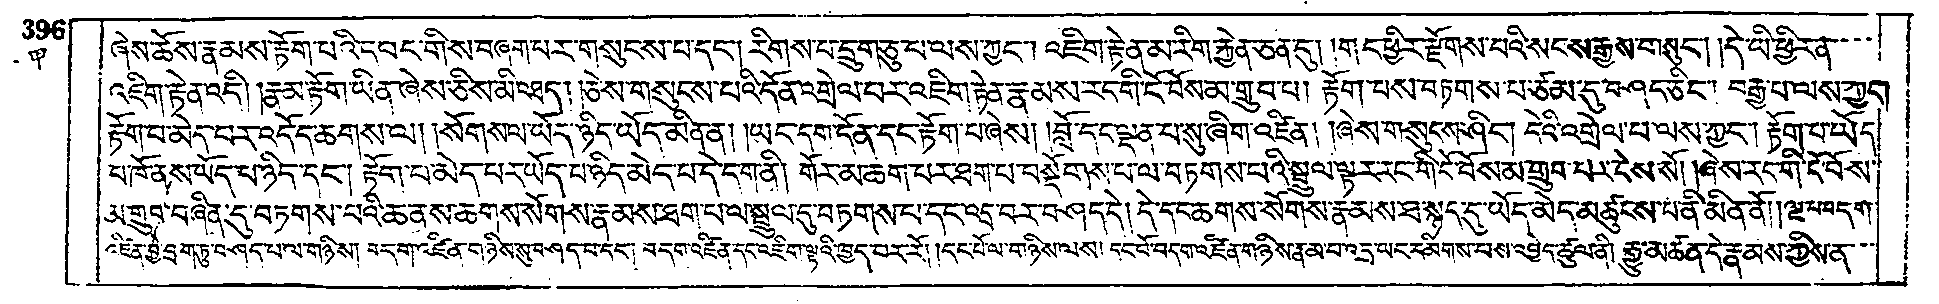ཞེས་ཆོས་རྣམས་རྟོག་པའི་དབང་གིས་བཞག་པར་གསུངས་པ་དང་། རིགས་པ་དྲུག་ཅུ་པ་ལས་ཀྱང་། འཇིག་རྟེན་མ་རིག་རྐྱེན་ཅན་དུ། །གང་ཕྱིར་རྫོགས་པའི་སངས་རྒྱས་གསུང་། །དེ་ཡི་ཕྱིར་ན་
འཇིག་རྟེན་འདི། །རྣམ་རྟོག་ཡིན་ཞེས་ཅིས་མི་འཐད། །ཅེས་གསུངས་པའི་དོན་འགྲེལ་པར་འཇིག་རྟེན་རྣམས་རང་གི་ངོ་བོས་མ་གྲུབ་པ། རྟོག་པས་བཏགས་པ་ཙམ་དུ་བཤད་ཅིང་། བརྒྱ་པ་ལས་ཀྱང་
རྟོག་པ་མེད་པར་འདོད་ཆགས་ལ། །སོགས་ལ་ཡོད་ཉིད་ཡོད་མིན་ན། །ཡང་དག་དོན་དང་རྟོག་པ་ཞེས། །བློ་དང་ལྡན་པ་སུ་ཞིག་འཛིན། །ཞེས་གསུངས་ཤིང་། དེའི་འགྲེལ་པ་ལས་ཀྱང་། རྟོག་པ་ཡོད་
པ་ཁོ་ནས་ཡོད་པ་ཉིད་དང་། རྟོག་པ་མེད་པར་ཡོད་པ་ཉིད་མེད་པ་དེ་དག་ནི། གོར་མ་ཆག་པར་ཐག་པ་བསྡོགས་པ་ལ་བཏགས་པའི་སྦྲུལ་ལྟར་རང་གི་ངོ་བོས་མ་གྲུབ་པར་ངེས་སོ། །ཞེས་རང་གི་ངོ་བོས་
མ་གྲུབ་བཞིན་དུ་བཏགས་པའི་ཆ་ནས་ཆགས་སོགས་རྣམས་ཐག་པ་ལ་སྦྲུལ་དུ་བཏགས་པ་དང་འདྲ་བར་བཤད་དེ། དེ་དང་ཆགས་སོགས་རྣམས་ཐ་སྙད་དུ་ཡོད་མེད་མཚུངས་པ་ནི་མིན་ནོ། །ལྔ་པ་བདག་
འཛིན་བྱེ་བྲག་ཏུ་བཤད་པ་ལ་གཉིས། བདག་འཛིན་གཉིས་སུ་བཤད་པ་དང་། བདག་འཛིན་དང་འཇིག་ལྷའི་ཁྱད་པར་རོ། །དང་པོ་ལ་གཉིས་ལས། དང་པོ་བདག་འཛིན་གཉིས་རྣམ་པ་འདྲ་ཡང་དམིགས་པས་འབྱེད་ཚུལ་ནི། རྒྱུ་མཚན་དེ་རྣམས་ཀྱིས་ནས་